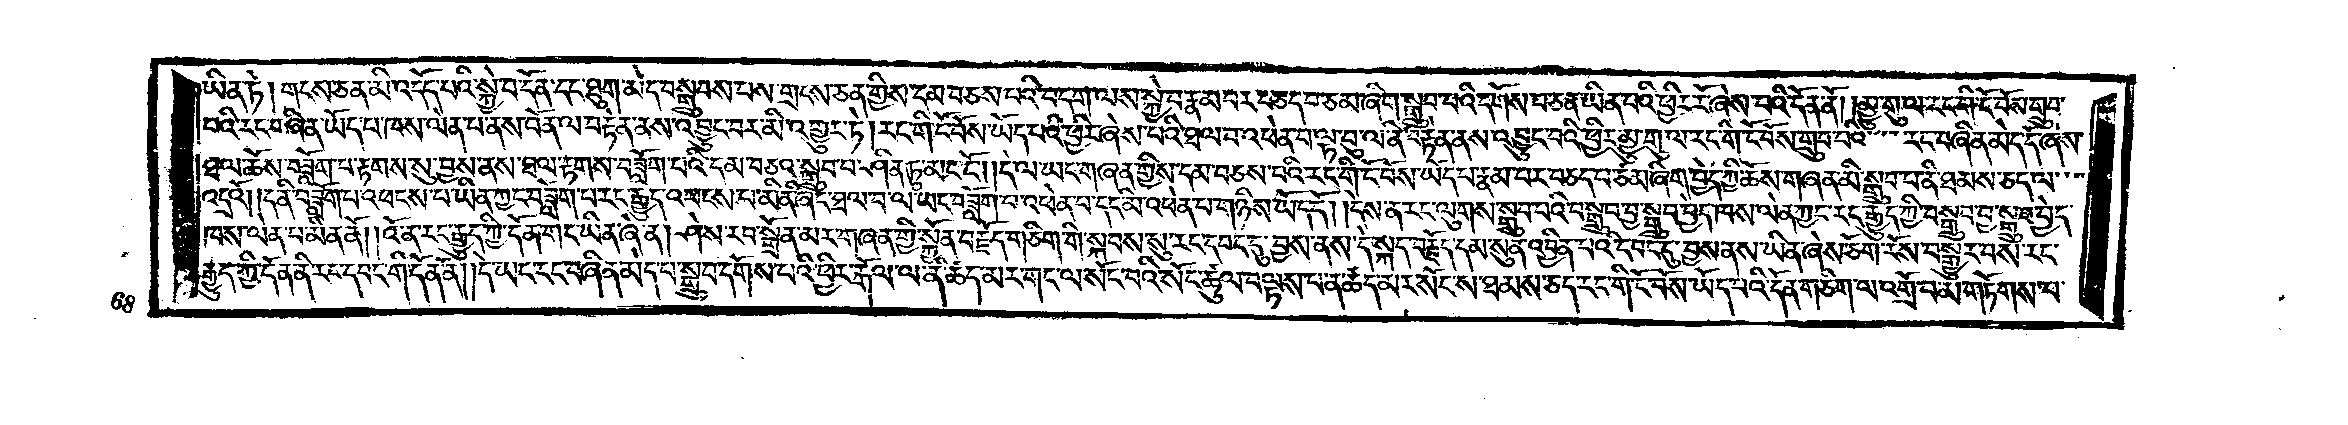ཡིན་ཏེ། གངས་ཅན་མི་འདོད་པའི་སྐྱེ་བ་དོན་དང་ཐུག་མེད་བསྒྲུབས་པས་གྲངས་ཅན་གྱིས་དམ་བཅའ་པའི་བདག་ལས་སྐྱེ་བ་རྣམ་པར་བཅད་པ་ཙམ་ཞིག་སྒྲུབ་པའི་དགོས་པ་ཅན་ཡིན་པའི་ཕྱིར་རོ་ཞེས་པའི་དོན་ནོ། །མྱུ་གུ་ལ་རང་གི་ངོ་བོས་གྲུབ་
པའི་རང་བཞིན་ཡོད་པ་ཁས་ལེན་པ་ན་ས་བོན་ལ་བརྟེན་ནས་འབྱུང་བར་མི་འགྱུར་ཏེ། རང་གི་ངོ་བོས་ཡོད་པའི་ཕྱིར་ཞེས་པའི་ཐལ་བ་འཕེན་པ་ལྟ་བུ་ལ་ནི་བརྟེན་ནས་འབྱུང་བའི་ཕྱིར་མྱུ་གུ་ལ་རང་གི་ངོ་བོས་གྲུབ་པའི་རང་བཞིན་མེད་དོ་ཞེས་
ཐལ་ཆོས་བཟློག་པ་རྟགས་སུ་བྱས་ནས་ཐལ་རྟགས་བཟློག་པའི་དམ་བཅའ་སྒྲུབ་པ་ཤིན་ཏུ་མང་ངོ། །དེ་ལ་ཡང་གཞན་གྱིས་དམ་བཅས་པའི་རང་གི་ངོ་བོས་ཡོད་པ་རྣམ་པར་བཅད་པ་ཙམ་ཞིག་བྱེད་ཀྱི་ཆོས་གཞན་མེ་སྒྲུབ་པ་ནི་ཐམས་ཅད་ལ་
འདྲའོ། །དེ་ནི་བཟློག་པ་འཕངས་པ་ཡིན་ཀྱང་བཟློག་པ་རང་རྒྱུད་འཕངས་པ་མིན་ཞིང་ཐལ་བ་ལ་ཡང་བཟློག་པ་འཕེན་པ་དང་མི་འཕེན་པ་གཉིས་ཡོད་དོ། །དེས་ན་རང་ལུགས་སྒྲུབ་པའི་བསྒྲུབ་བྱ་སྒྲུབ་བྱེད་ཁས་ལེན་ཀྱང་རང་རྒྱུད་ཀྱི་བསྒྲུབ་བྱ་སྒྲུབ་བྱེད་
ཁས་ལེན་པ་མིན་ནོ། །འོ་ན་རང་རྒྱུད་ཀྱི་དོན་གང་ཡིན་ཞེ་ན། ཤེས་རབ་སྒྲོན་མར་གཞན་གྱི་སྐྱོན་བརྗོད་གཅིག་གི་སྐབས་སུ་རང་དབང་དུ་བྱས་ནས་དེ་སྐད་བརྗོད་དམ་སུན་འབྱིན་པའི་དབང་དུ་བྱས་ནས་ཡིན་ཞེས་ཅོག་རོས་བསྒྱུར་བས་རང་
རྒྱུད་ཀྱི་དོན་ནི་རང་དབང་གི་དོན་ནོ། །དེ་ཡང་རང་བཞིན་མེད་པ་སྒྲུབ་དགོས་པའི་ཕྱིར་རྒོལ་ལ་ནི་ཚད་མར་གང་ལ་སོང་བའི་སོང་ཚུལ་བལྟས་པ་ན་ཚད་མར་སོང་ས་ཐམས་ཅད་རང་གི་ངོ་བོས་ཡོད་པའི་དོན་གཅིག་ལ་འགྲོ་བ་མ་གཏོགས་པ་